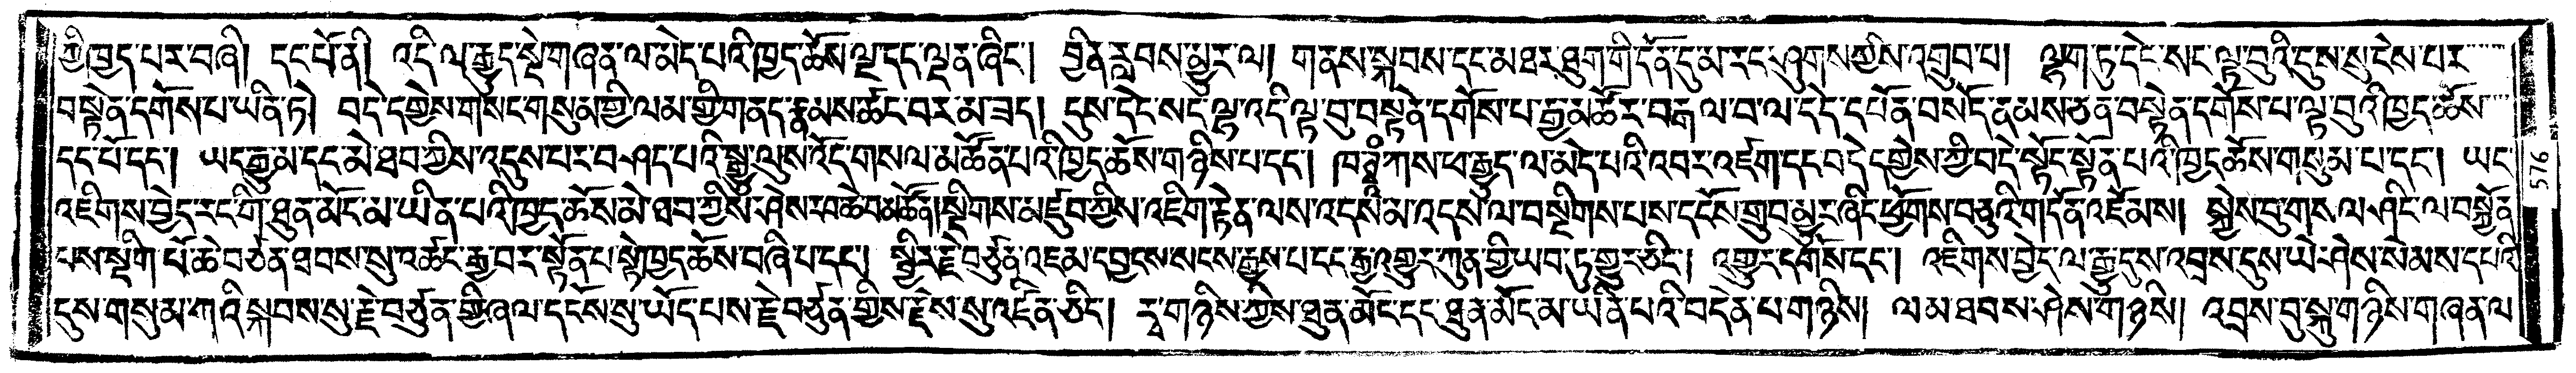ཀྱི་ཁྱད་པར་བཞི། དང་པོ་ནི། འདི་ལ་རྒྱུད་སྡེ་གཞན་ལ་མེད་པའི་ཁྱད་ཆོས་ལྔ་དང་ལྡན་ཞིང་། བྱིན་རླབས་མྱུར་ལ། གནས་སྐབས་དང་མཐར་ཐུག་གི་དོན་དུ་མ་རང་ཤུགས་ཀྱིས་འགྲུབ་པ། ལྷག་ཏུ་དེང་སང་ལྟ་བུའི་དུས་སུ་ངེས་པར་
བསྟེན་དགོས་པ་ཡིན་ཏེ། བདེ་དགྱེས་གསང་གསུམ་གྱི་ལམ་གྱི་གནད་རྣམས་ཚང་བར་མ་ཟད། དུས་དེང་སང་ལྷ་འདི་ལྟ་བུ་བསྟེན་དགོས་པ་རྒྱ་མཚོར་བརྒལ་བ་ལ་དེད་དཔོན་བསོད་ནམས་ཅན་བསྟེན་དགོས་པ་ལྟ་བུའི་ཁྱད་ཆོས་
དང་པོ་དང་། ཡང་རྒྱུ་མ་དང་མེ་ཐབ་ཀྱིས་འདུས་པར་བཤད་པའི་སྒྱུ་ལུས་འོད་གསལ་མཚོན་པའི་ཁྱད་ཆོས་གཉིས་པ་དང་། ཁ་ཊྭཱཾ་ཀས་ཕ་རྒྱུད་ལ་མེད་པའི་འབར་འཛག་དང་བདེ་དགྱེས་ཀྱི་བདེ་སྟོང་སྟོན་པའི་ཁྱད་ཆོས་གསུམ་པ་དང་། ཡང་
འཇིགས་བྱེད་རང་གི་ཐུན་མོང་མ་ཡིན་པའི་ཁྱད་ཆོས་མེ་ཐབ་ཀྱིས་ཤེས་རབ་ཆེ་བ་མཚོན། སྡིགས་མཛུབ་ཀྱིས་འཇིག་རྟེན་ལས་འདས་མ་འདས་ལ་བསྡིགས་པས་དངོས་གྲུབ་མྱུར་ཞིང་ཕྱོགས་བཅུའི་གདོན་འཇོམས། སྐྱེས་བུ་གསལ་ཤིང་ལ་བསྐྱོན་
པས་སྡིག་པོ་ཆེ་བཙན་ཐབས་སུ་འཚང་རྒྱ་བར་སྟོན་པ་སྟེ་ཁྱད་ཆོས་བཞི་པ་དང་། སྤྱིར་རྗེ་བཙུན་འཇམ་དབྱངས་སངས་རྒྱས་པ་དང་རྒྱ་འགྱུར་ཀུན་གྱི་ཡབ་ཏུ་གྱུར་ཅིང་། འགྱུར་དགོས་དང་། འཇིགས་བྱེད་ལ་རྒྱུ་དུས་འབྲས་དུས་ཡེ་ཤེས་སེམས་དཔའི་
དུས་གསུམ་ཀའི་སྐབས་སུ་རྗེ་བཙུན་གྱི་ཞལ་དངོས་སུ་ཡོད་པས་རྗེ་བཙུན་གྱིས་རྗེས་སུ་འཛིན་ཅིང་། རྭ་གཉིས་ཀྱིས་ཐུན་མོང་མ་ཡིན་པའི་བདེན་པ་གཉིས། ལམ་ཐབས་ཤེས་གཉིས། འབྲས་བུ་སྐུ་གཉིས་གཞན་ལ་